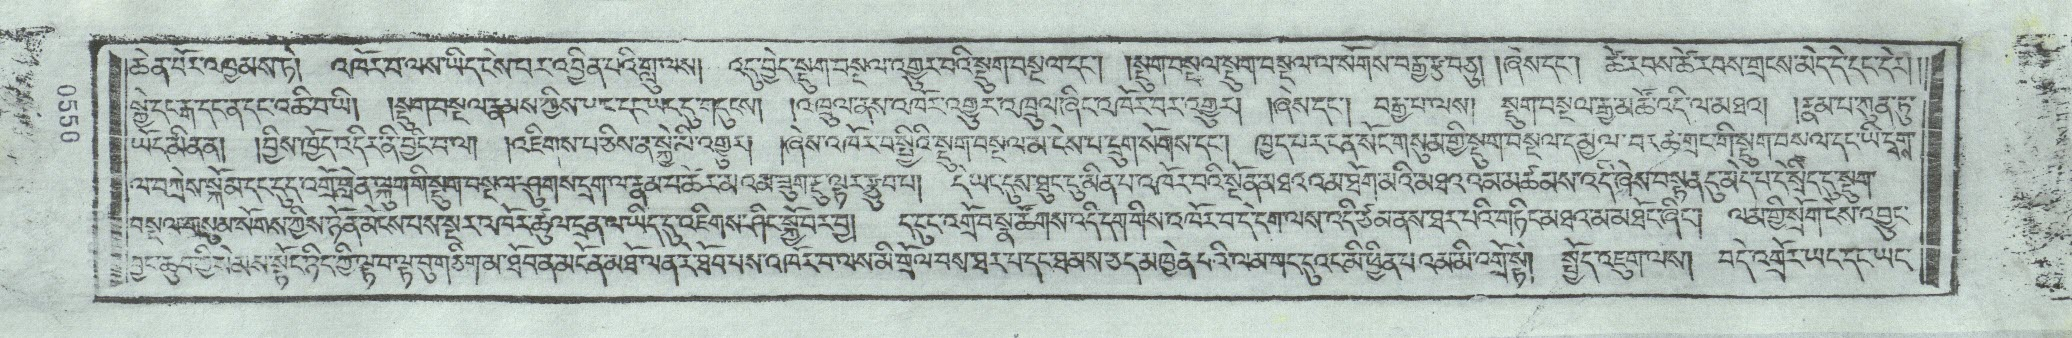ཆེན་པོར་འཁྱམས་ཏེ། འཁོར་བ་ལས་ཡིད་ངེས་པར་འབྱིན་པའི་གླུ་ལས། འདུ་བྱེད་སྡུག་བསྔལ་འགྱུར་བའི་སྡུག་བསྔལ་དང་། །སྡུག་བསྔལ་སྡུག་བསྔལ་ལ་སོགས་བརྒྱ་རྩ་བཅུ། །ཞེས་དང་། ཚེ་རབས་ཚེ་རབས་གྲངས་མེད་དེ་དང་དེར། །
སྐྱེ་དང་རྒ་དང་ན་དང་འཆི་བ་ཡི། །སྡུག་བསྔལ་རྣམས་ཀྱིས་ཡང་དང་ཡང་དུ་གདུངས། །འཁྲུལ་ནས་འཁོར་འགྱུར་འཁྲུལ་ཞིང་འཁོར་བར་འགྱུར། །ཞེས་དང་། བརྒྱ་པ་ལས། སྡུག་བསྔལ་རྒྱ་མཚོ་འདི་ལ་མཐའ། །རྣམ་པ་ཀུན་ཏུ་
ཡོད་མིན་ན། །བྱིས་ཁྱོད་འདིར་ནི་བྱིང་བ་ལ། །འཇིགས་པ་ཅིས་ན་སྐྱེ་མི་འགྱུར། །ཞེས་འཁོར་བ་སྤྱིའི་སྡུག་བསྔལ་མ་ངེས་པ་དྲུག་སོགས་དང་། ཁྱད་པར་ངན་སོང་གསུམ་གྱི་སྡུག་བསྔལ་དམྱལ་བར་ཚ་གྲང་གི་སྡུག་བསྔལ་དང་ཡི་དྭགས་
ལ་བཀྲེས་སྐོམ་དང་དུད་འགྲོ་གླེན་ལྐུག་གི་སྡུག་བསྔལ་ཤུགས་དྲག་ལ་རྣམ་པ་ཚེར་མའམ་ཟུག་རྔུ་ལྟར་རྩུབ་པ། དེ་ཡང་དུས་ཐུང་ངུ་མིན་པ་འཁོར་བའི་སྔོན་མཐའ་འམ་ཐོག་མའི་མཐའ་འམ་མཚམས་འདི་ཞེས་བསྟན་དུ་མེད་པ་དེ་སྲིད་དུ་སྡུག་
བསྔལ་གསུམ་སོགས་ཀྱིས་ཉོན་མོངས་པས་སྔར་འཁོར་ཚུལ་དྲན་ལ་ཡིད་དུ་འཇིགས་ཤིང་སྐྱོ་བར་བྱ། ད་དུང་འགྲོ་བ་སྣ་ཚོགས་འདི་དག་གིས་འཁོར་བ་དེ་དག་ལས་འདི་ཙམ་ནས་ཐར་པའི་གཏིང་མཐའ་མ་མཐོང་ཞིང་། ལམ་གྱི་སྲོག་ངེས་འབྱུང་
བྱང་ཆུབ་ཀྱི་སེམས་སྟོང་ཉིད་ཀྱི་ལྟ་བ་ལྟ་བུ་གཅིག་མ་ཐོབ་ན་མངོན་མཐོ་ལན་རེ་ཐོབ་པས་འཁོར་བ་ལས་མི་གྲོལ་བས་ཐར་པ་དང་ཐམས་ཅད་མཁྱེན་པའི་ལམ་གང་དུའང་མི་ཕྱིན་པའམ་མི་འགྲོ་སྟེ། སྤྱོད་འཇུག་ལས། བདེ་འགྲོར་ཡང་དང་ཡང་